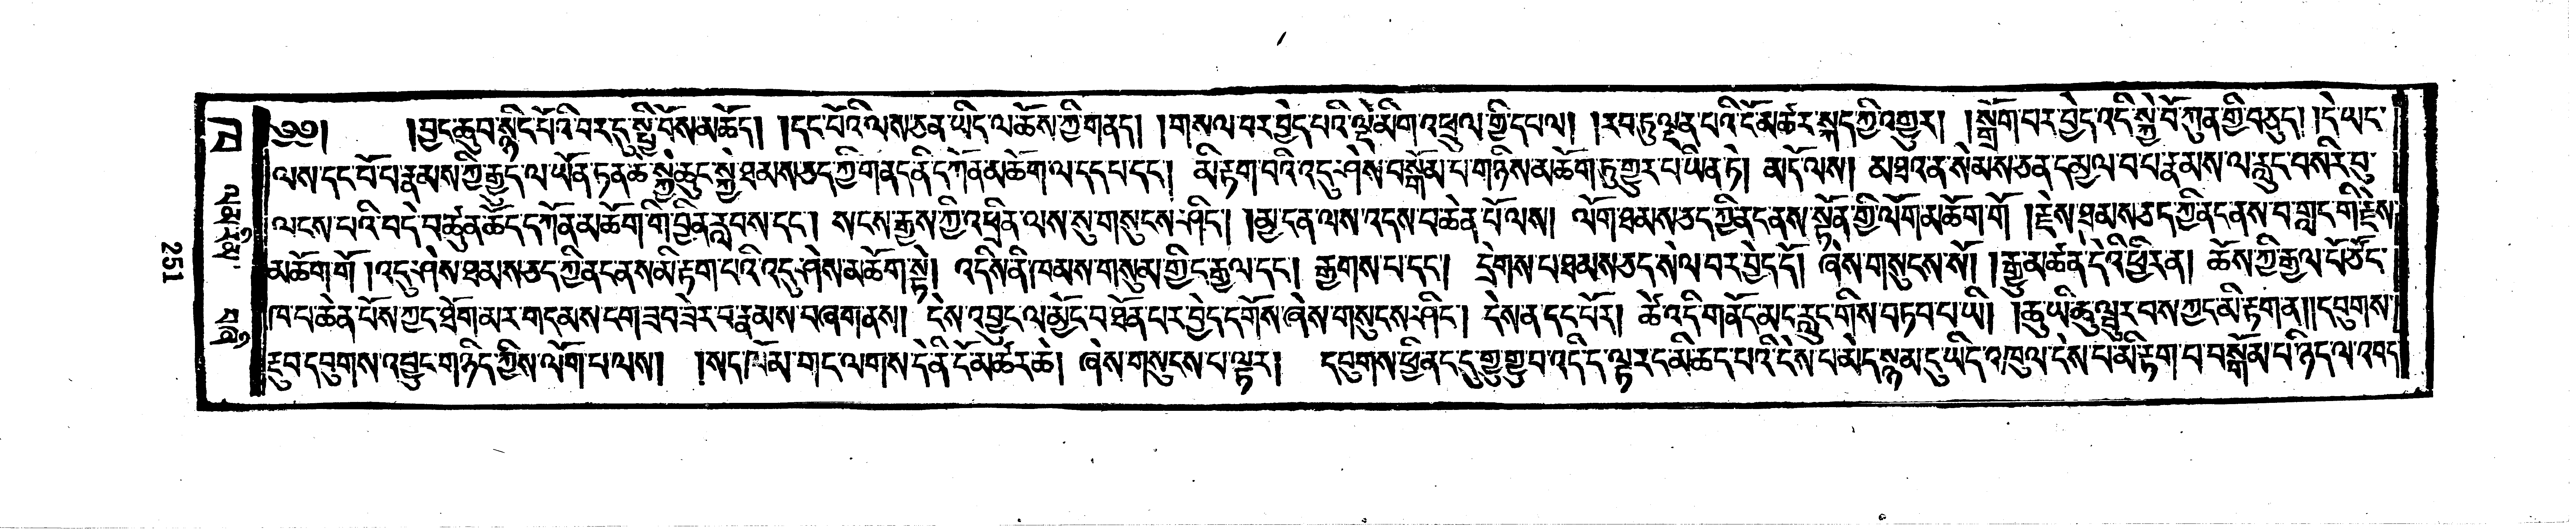༄༅། །བྱང་ཆུབ་སྙིང་པོའི་བར་དུ་སྤྱི་བོས་མཆོད། །དང་པོའི་ལས་ཅན་ཡིད་ལ་ཆོས་ཀྱི་གནད། །གསལ་བར་བྱེད་པའི་ལྡེ་མིག་འཕྲུལ་གྱི་དཔལ། །རབ་ཏུ་ལྡན་པའི་ངོ་མཚར་སྐད་ཀྱི་འགྱུར། །སྒྲོག་པར་བྱེད་འདི་སྐྱེ་བོ་ཀུན་གྱི་བཅུད། །དེ་ཡང་
ལས་དང་བོ་པ་རྣམས་ཀྱི་རྒྱུད་ལ་ཡོན་ཏན་ཆེ་སྐྱེ་ཆུང་སྐྱེ་ཐམས་ཅད་ཀྱི་གནད་ནི་དཀོན་མཆོག་ལ་དད་པ་དང་། མི་རྟག་པའི་འདུ་ཤེས་བསྒོམ་པ་གཉིས་མཆོག་ཏུ་གྱུར་པ་ཡིན་ཏེ། མདོ་ལས། མཐའ་ན་སེམས་ཅན་དམྱལ་བ་པ་རྣམས་ལ་རླུང་བསིར་བུ་
ལངས་པའི་བདེ་བ་ཚུན་ཆོད་དཀོན་མཆོག་གི་བྱིན་རླབས་དང་། སངས་རྒྱས་ཀྱི་འཕྲིན་ལས་སུ་གསུངས་ཤིང་། །མྱ་ངན་ལས་འདས་པ་ཆེན་པོ་ལས། ལོག་ཐམས་ཅད་ཀྱི་ནང་ནས་སྟོན་གྱི་ལོག་མཆོག་གོ། །རྗེས་ཐམས་ཅད་ཀྱི་ནང་ནས་བ་གླང་གི་རྗེས་
མཆོག་གོ །འདུ་ཤེས་ཐམས་ཅད་ཀྱི་ནང་ནས་མི་རྟག་པའི་འདུ་ཤེས་མཆོག་སྟེ། འདིས་ནི་ཁམས་གསུམ་གྱི་ང་རྒྱལ་དང་། རྒྱགས་པ་དང་། དྲེགས་པ་ཐམས་ཅད་སེལ་བར་བྱེད་དོ། ཞེས་གསུངས་སོ། །རྒྱུ་མཚན་དེའི་ཕྱིར་ན། ཆོས་ཀྱི་རྒྱལ་པོ་ཙོང་
ཁ་པ་ཆེན་པོས་ཀྱང་ཐོག་མར་གདམས་ངག་ཟབ་ཟེར་བ་རྣམས་བཞག་ནས། ངེས་འབྱུང་ལ་མྱོང་བ་ཐོན་པར་བྱེད་དགོས་ཞེས་གསུངས་ཤིང་། དེས་ན་དང་པོར། ཚེ་འདི་གནོད་མང་རླུང་གིས་བཏབ་པ་ཡི། །ཆུ་ཡི་ཆུ་ལྤུར་བས་ཀྱང་མི་རྟག་ན། །དབུགས་
རྡུབ་དབུགས་འབྱུང་གཉིད་ཀྱིས་ལོག་པ་ལས། །སད་ཁོམ་གང་ལགས་དེ་ནི་ངོ་མཚར་ཆེ། ཞེས་གསུངས་པ་ལྟར། དབུགས་ཕྱི་ནང་དུ་གྱུ་གྱུ་བ་འདི་ད་ལྟ་རང་མི་ཆད་པའི་ངེས་པ་མེད་སྙམ་དུ་ཡིད་འཁུལ་ངེས་པ་མི་རྟག་པ་བསྒོམ་པ་ཉིད་ལ་འབད་